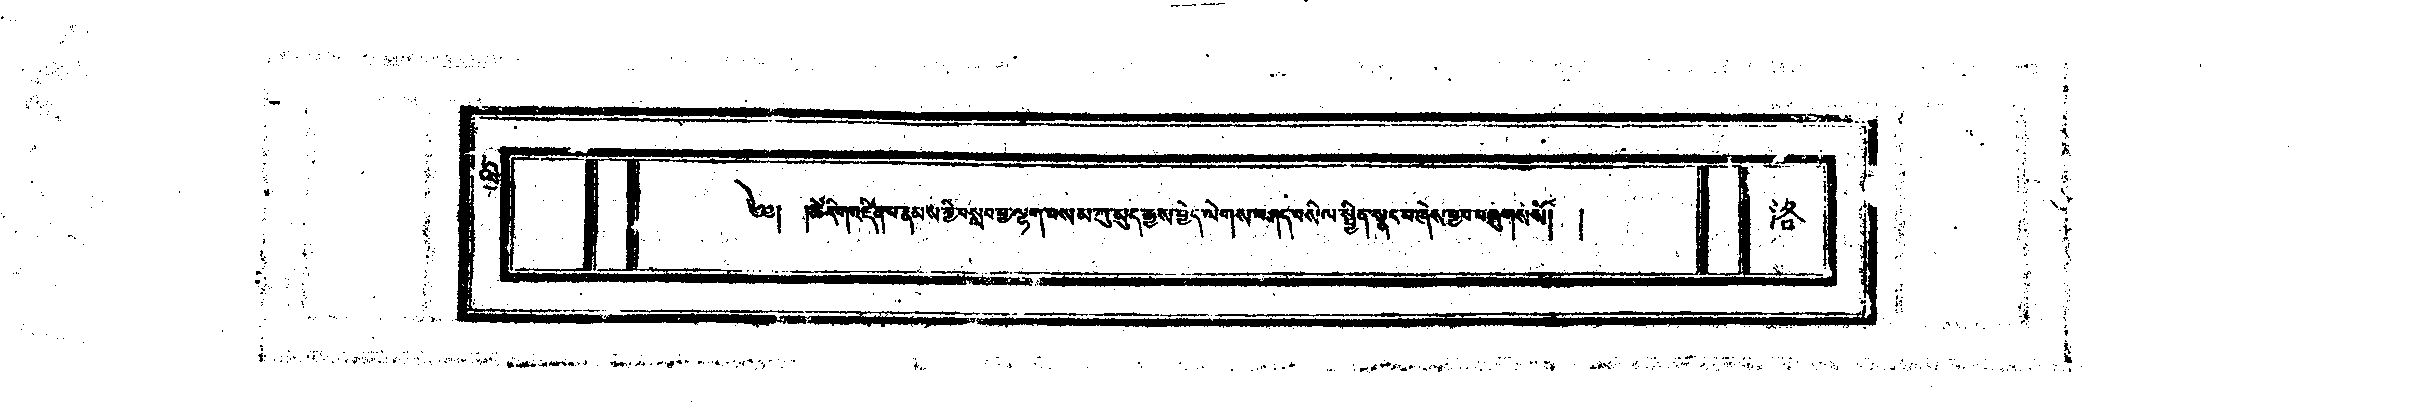༄༅། །ཚེ་རིག་འཛིན་པ་རྣམས་ཀྱི་བསླབ་བྱ་ལྷག་བསམ་ཀུ་མུད་རྒྱས་བྱེད་ལེགས་བཤད་བསིལ་སྦྱིན་སྣང་བ་ཞེས་བྱ་བ་བཞུགས་སོ།